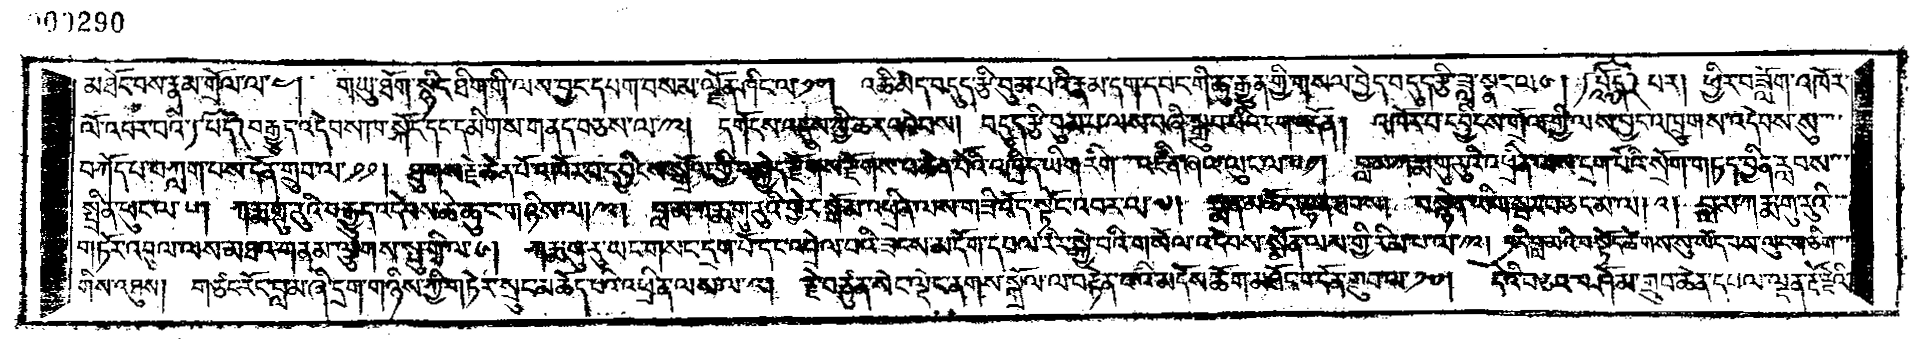མཐོང་བས་རྣམ་གྲོལ་ལ ༤། གཡུ་ཐོག་སྙིང་ཐིག་གི་ལས་བྱང་དཔག་བསམ་ལྗོན་ཤིང་ལ ༡༠། འཆི་མེད་བདུད་རྩི་བུམ་པའི་རྣམ་དག་དབང་གི་ཆུ་རྒྱུན་གྱི་གསལ་བྱེད་བདུད་རྩི་ཟླ་སྣང་ལ ༦། ༼པོད༢༧༽ པར། ཕྱིར་བཟློག་འཁོར་
ལོ་འབར་བའི ༼པད༽ བརྒྱུད་འདེབས་ཁ་སྐོང་དང་དམིགས་གནད་བཅས་ལ ༣། དགོངས་འདུས་ཀྱི་ཆར་འབེབས། བདུད་རྩི་བུམ་པ་ལས་བཞི་སྒྲུབ་པའི་ངག་དོན། འཁོར་བ་དབྱིངས་གྲོལ་གྱི་ལས་བྱང་འཁྲུགས་འདེབས་སུ་
བཀོད་པ་བཀླགས་པས་དོན་གྲུབ་ལ ༡༡། ཐུགས་རྗེ་ཆེན་པོ་འཁོར་བ་དབྱིངས་སྒྲོལ་གྱི་བསྐྱེད་རྫོགས་རྫོགས་པ་ཆེན་པོའི་འཁྲིད་ཡིག་རིག་འཛིན་ཞལ་ལུང་ལ ༥༡། བླ་མ་ཀརྨ་གུ་རུའི་འཕྲིན་ལས་དྲག་པོའི་སྲོག་གཏད་བྱིན་རླབས་
སྤྲིན་ཕུང་ལ ༥། ཀརྨ་གུ་རུའི་བརྒྱུད་འདེབས་ཆེ་ཆུང་གཉིས་ལ། ༣། བླ་མ་ཀརྨ་གུ་རུའི་གྱེར་སྒོམ་འཕྲིན་ལས་གཟི་འོད་སྟོང་འབར་ལ ༦། སྨན་མཆོད་ལྷན་ཐབས། བསྙེན་ཡིག་སྦར་བཅད་མ་ལ། ༢། བླ་མ་ཀརྨ་གུ་རུའི་
གཏོར་འབུལ་ལས་མཐའ་གནམ་ལྕགས་སྤུ་གྲི་ལ ༦། ཀརྨ་གུ་རུ་ཡང་གསང་དྲག་པོ་དང་འབྲེལ་བའི་ཟངས་མདོག་དཔལ་རིར་སྐྱེ་བའི་གསོལ་འདེབས་སྨོན་ལམ་གྱི་རིམ་པ་ལ་འདི་བླ་མའི་བསྟོད་ཚེགས་སུ་ཡོད་པས་ལུང་གཅིག་
གིས་འཐུས། གཙང་རོང་བླ་མ་ཞི་དྲག་གཉིས་ཀྱི་གཏེར་སྲུང་མཆོད་པའི་འཕྲིན་ལས་ལ ༢། རྗེ་བཙུན་སེང་ལྡེང་ནགས་སྒྲོལ་ལ་བརྟེན་པའི་མདོས་ཆོག་མཐོང་བ་དོན་གྲུབ་ལ ༡༧། དེའི་བཅའ་བཤོམ་གྲུབ་ཆེན་དཔལ་ལྡན་རྡོ་རྗེའི་